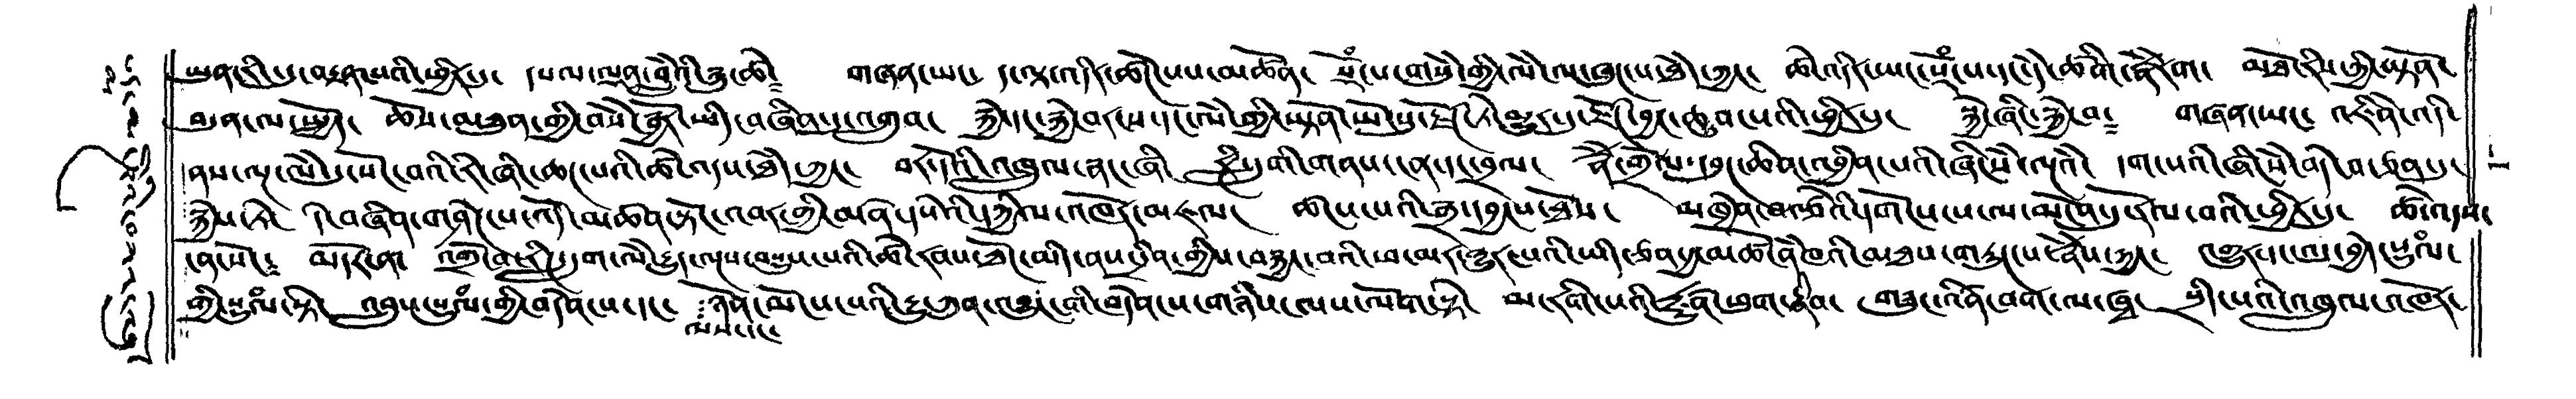ཡུན་རིང་དུ་བསྟན་པའི་ཕྱིར་དུ། དཔལ་ལྡན་བླ་མའི་སྐུ་ཚེ༴ གཞན་ཡང་ད་ལྟ་འདིར་ཚོགས་པས་མཚོན། སྡོམ་པ་གསུམ་གྱི་ལམ་ལ་ཞུགས་པ་ཐམས་ཅད་ཀྱང་། ཚེ་འདིར་ཡང་སྡོམ་པ་དང་དམ་ཚིག་རྣམ་པར་དག མཐོ་རིས་ཀྱི་ཡོན་ཏན་
བདུན་ལ་སྤྱོད། ཆོས་མཐུན་གྱི་བསམ་སྦྱོར་ཡིད་བཞིན་དུ་འགྲུབ། སྐྱེ་དང་སྐྱེ་བར་ས་དང་ལམ་གྱི་ཡོན་ཏན་ཡོངས་སུ་རྫོགས་ཏེ་མྱུར་དུ་རྫོགས་བྱང་ཆུབ་པའི་ཕྱིར་དུ། སྐྱེ་ཞིང་སྐྱེ་བ༴ གཞན་ཡང་འཇིག་རྟེན་འདི་
ནས་ལྔ་ལམ་དུ་སོང་བའི་རེ་ཞིང་ཆགས་པའི་ཚེ་འདས་ཐམས་ཅད་ཀྱང་། བར་དོའི་འཁྲུལ་སྣང་ཞི། རིགས་དྲུག་གི་གནས་ངན་དང་བྲལ། རྣམ་གྲོལ་དབུགས་ཆེན་འབྱིན་པའི་ཞིང་ཁམས་ལྔའམ། དག་པའི་ཞིང་ཁམས་བདེ་བ་ཅན་དུ་
སྐྱེས་ཏེ། དེ་བཞིན་གཤེགས་པ་འོད་མཚན་སྟོང་འབར་གྱི་མཚན་དཔེའི་དཀྱིལ་འཁོར་མཇལ། ཚངས་པའི་སྒྲ་དབྱངས་ཐོས། མཁྱེན་བརྩེའི་དགོངས་པ་ལ་མངོན་དུ་རོལ་བའི་ཕྱིར་དུ། ཚེ་འདས་
ངན་སོང༴ མདོར་ན་འགྲོ་བ་རིགས་དྲུག་ལམ་རྒྱུད་ལྔས་བསྡུས་པའི་ཚེ་རབས་ཐོག་མེད་ནས་དྲིན་གྱིས་བསྐྱངས་བའི་ཕ་མར་གྱུར་པའི་ཡིད་ཅན་རྒྱ་མཚོ་ནམ་མཁའི་མཐས་གཏུགས་པ་རྣམས་ཀྱང་། འགྱུར་དང་འདུ་བྱེད་སྡུག་བསྔལ་
གྱི་སྡུག་བསྔལ་སྟེ། འབྲས་བུ་སྡུག་བསྔལ་གྱི་བདེན་པ་དང་། ལས་དང་ཉོན་མོངས་པའི་རྒྱུ་ཀུན་འབྱུང་གི་བདེན་པ་གཉིས་ལས་ལོག་སྟེ། མ་རིག་པའི་རྫུན་ཕུག་རྡིབ། གཟུང་འཛིན་བག་ལ་གཞའ། སྲིད་པའི་འཁྲུལ་འཁོར་